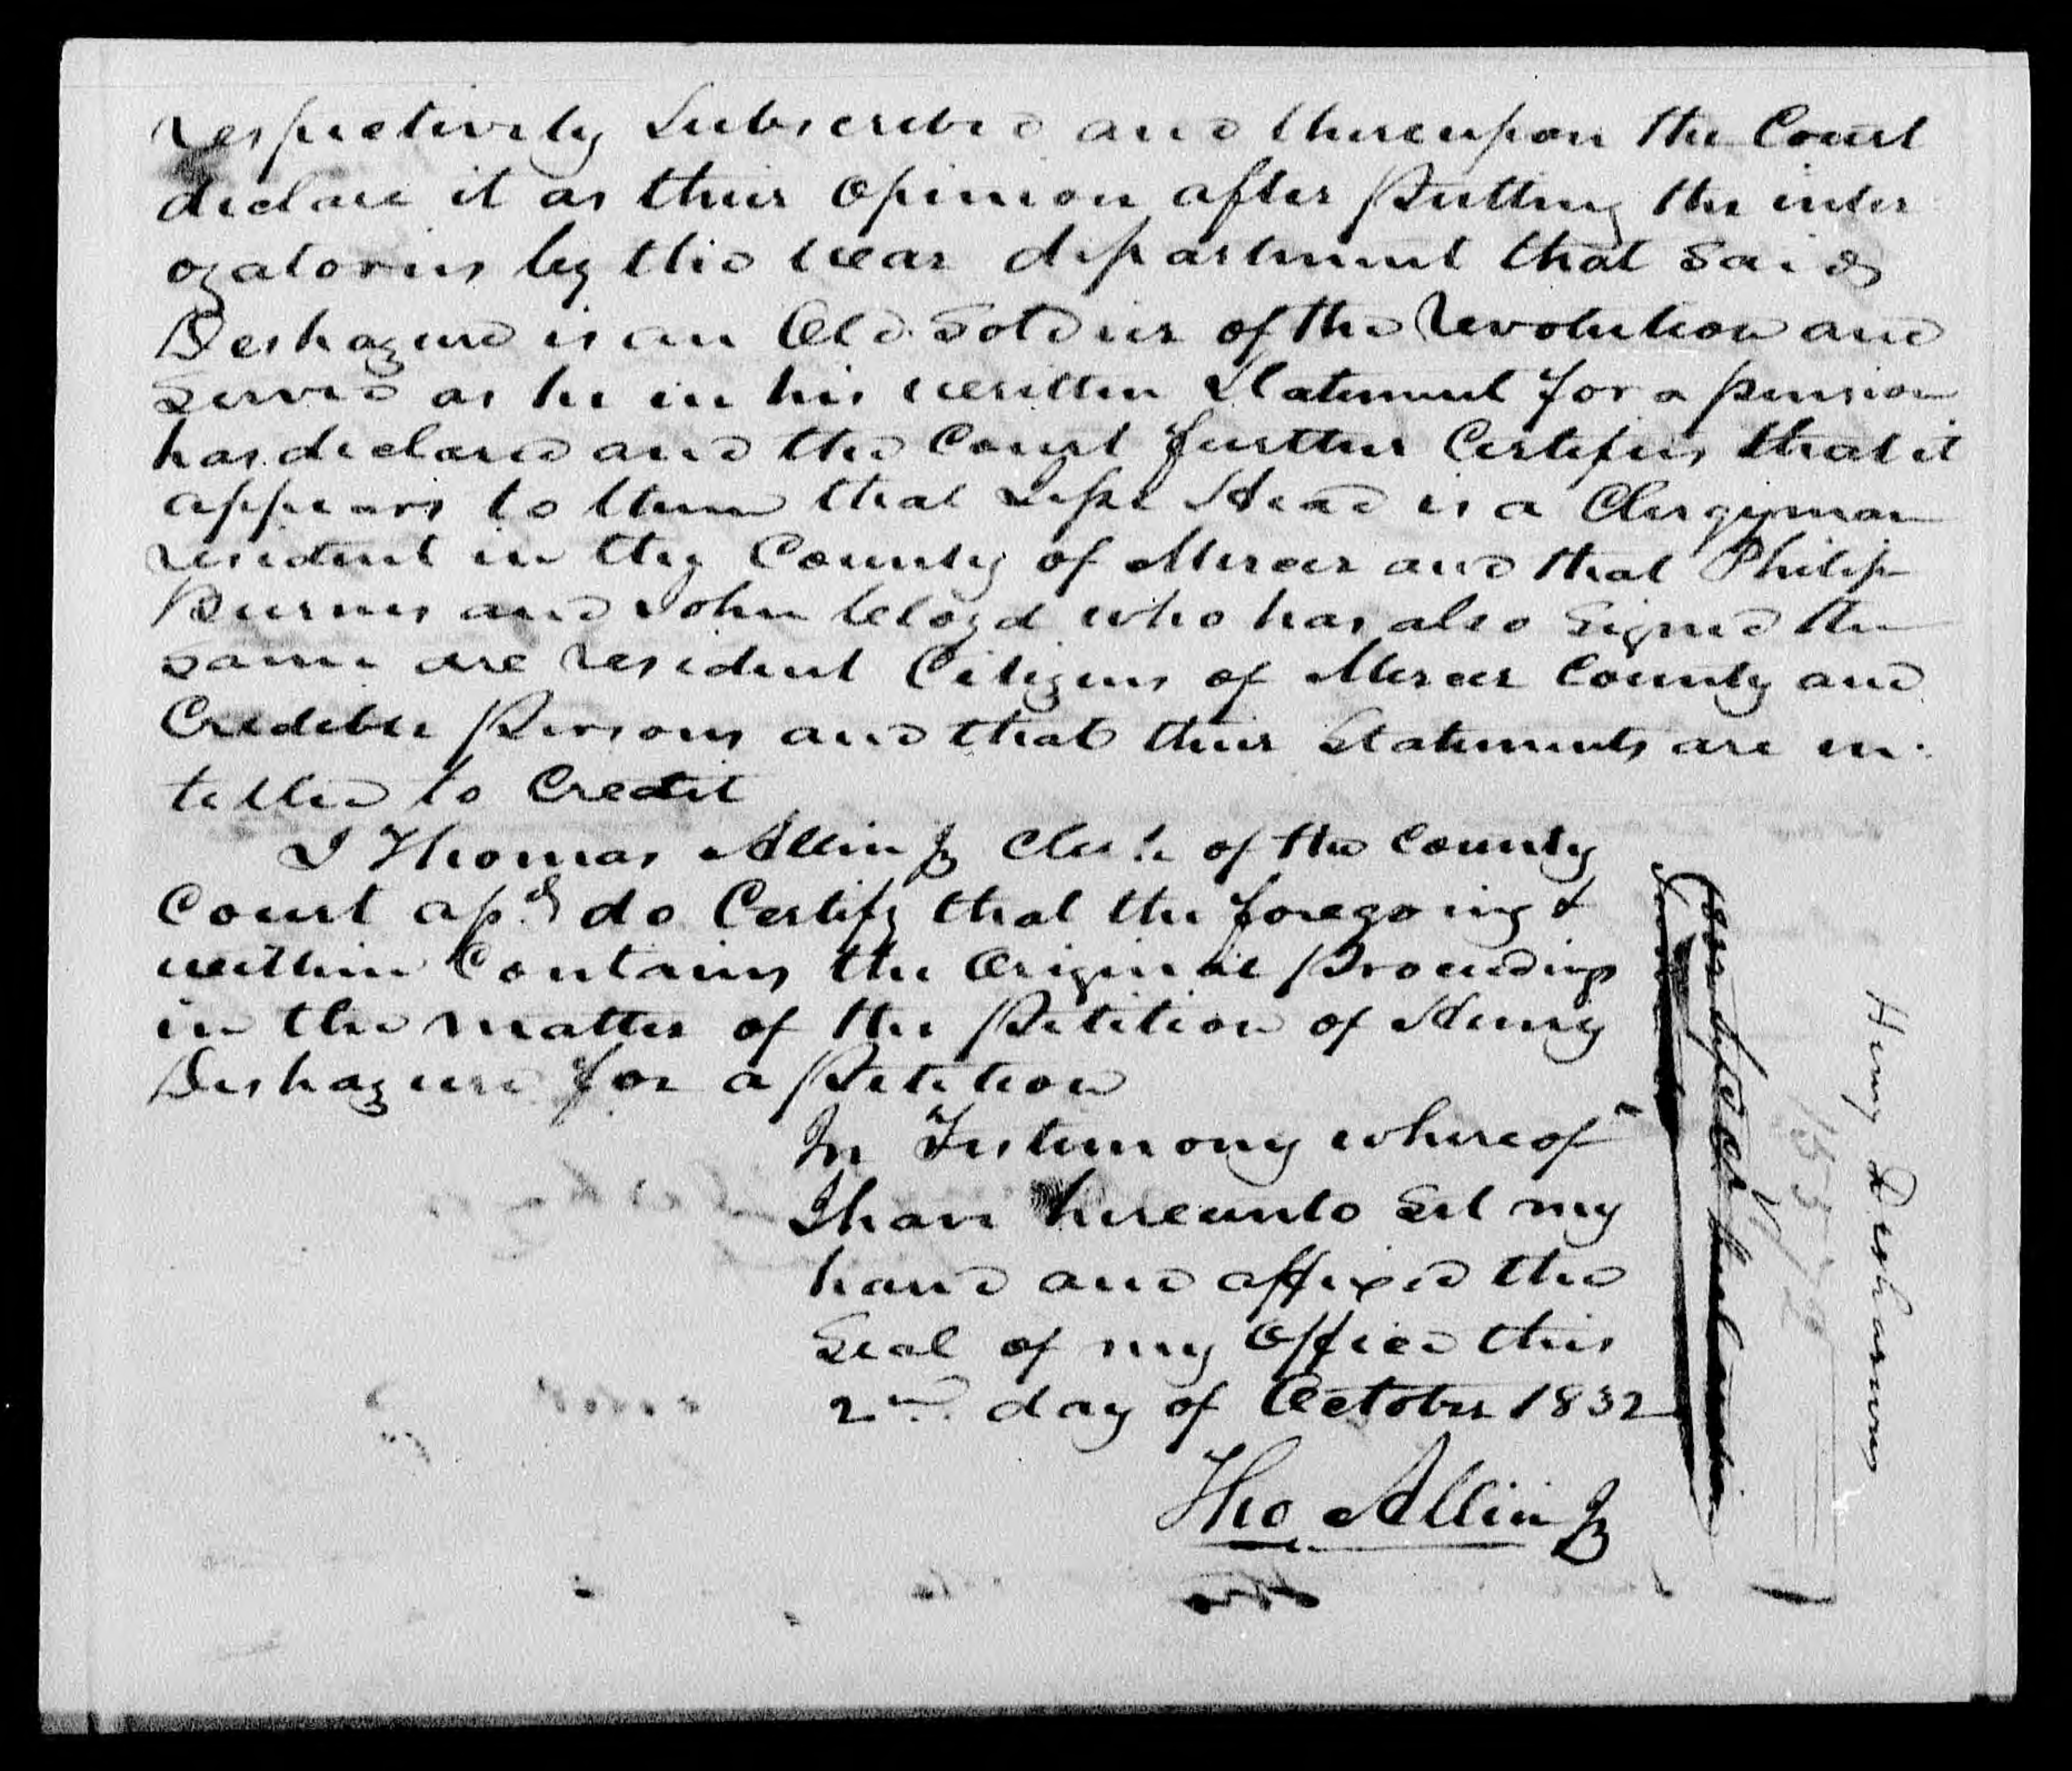respectively subscribed and thereupon the Court declare it as their opinion after putting the interogatories by the war department that said Deshazure is an old soldier of the Revolution and served as he in his written statement for a pension has declared and the Court further certifies that it appears to them that Jesse Head is a Clergyman resident in the County of Mercer and that Philip Burnes and John Cloyd who has also signed the same
are resident Citizens of Mercer County and
credible persons and that their statements are 
entitled to credit
I Thomas Allin Jr Clerk of the County
Court afsd do certify that the foregoing &
within contains the Original proceedings
in the matter of the petition of Henry
Deshazure for a petition
In Testimony whereof
I have hereunto set my
hand and affixed the
Seal of my office this
2nd day of October 1832 
Tho Allin Jr

Henry Deshazure [signed in right margin]
15572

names: Henry Deshazure, Philip Burnes, John Cloyd, Tho Allin, Deshazure, Henry Deshasure, Thomas Allin, Jesse Head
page: 6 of 12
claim: survivor's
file: S. 16,362, Henry Deshasure, Ga. S.C.